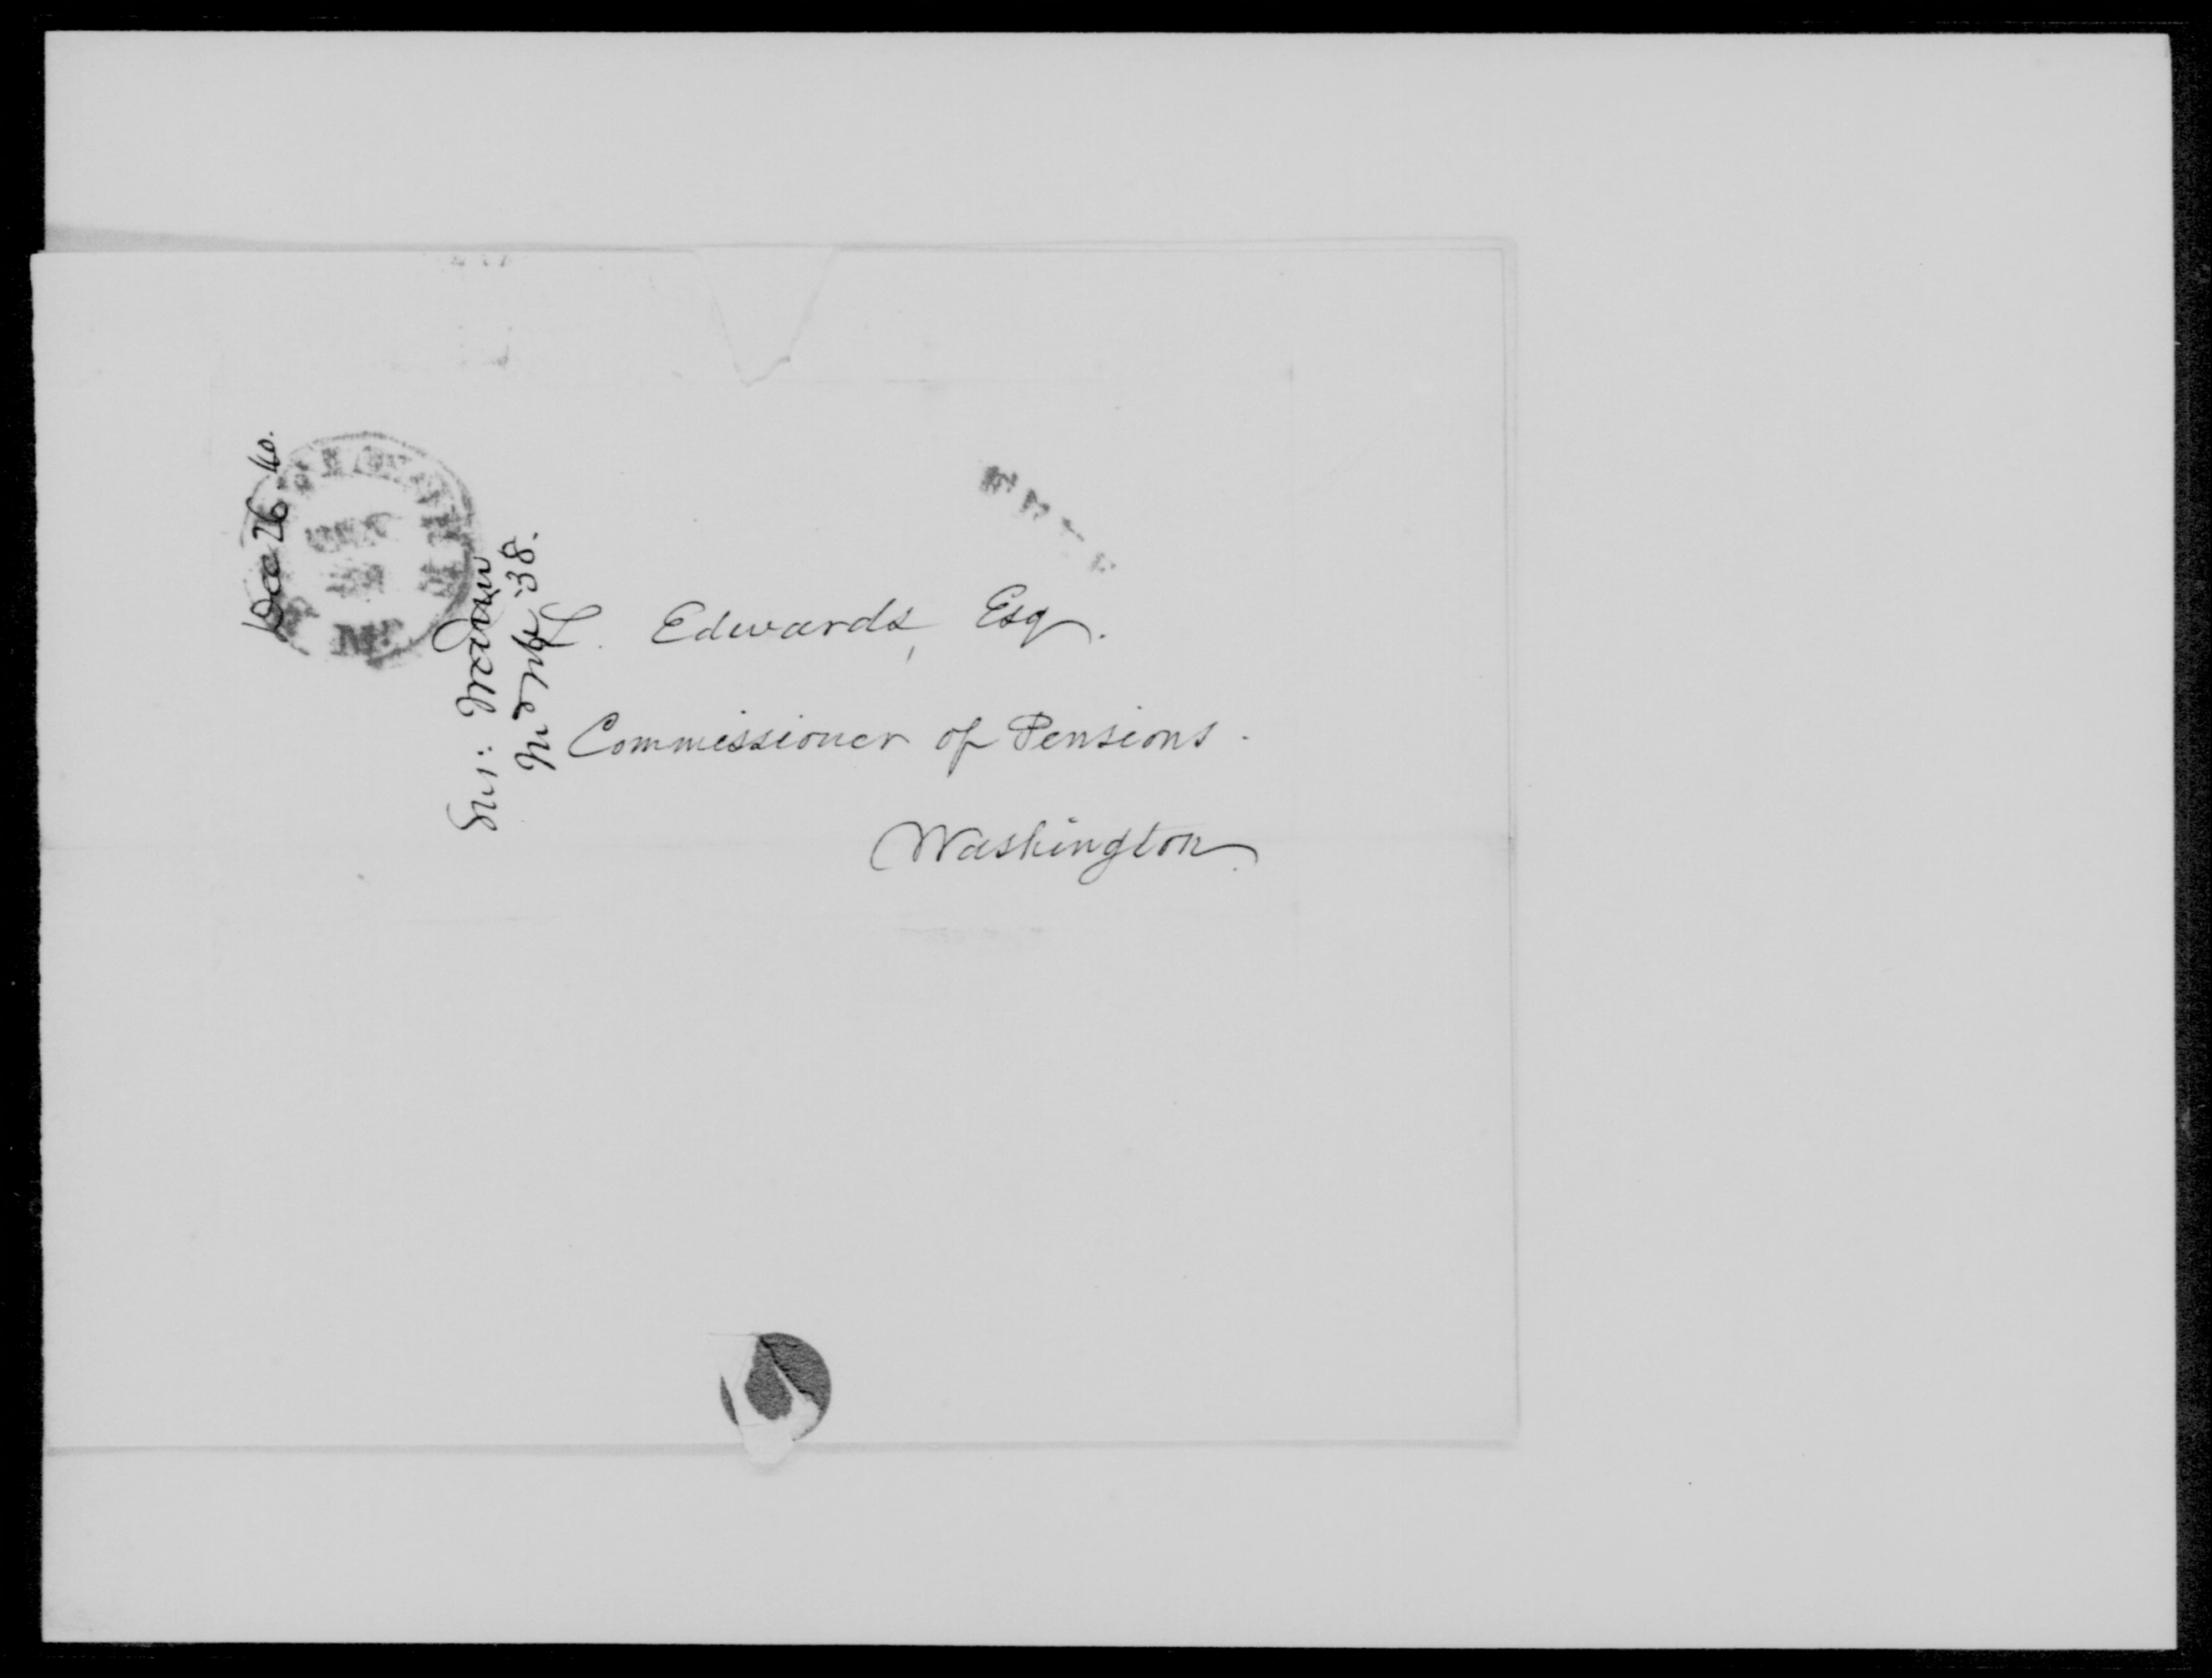FREE

J L. Edwards, Esq. 
Commissioner of Pensions.
Washington.
Dec 26 40.
[round stamp, illegible]
Sus: [illegible]
Md [illegible] 38.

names: J L Edwards, Sus Wann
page: 21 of 38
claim: widow's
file: W. 3899, John Wann, Penn.